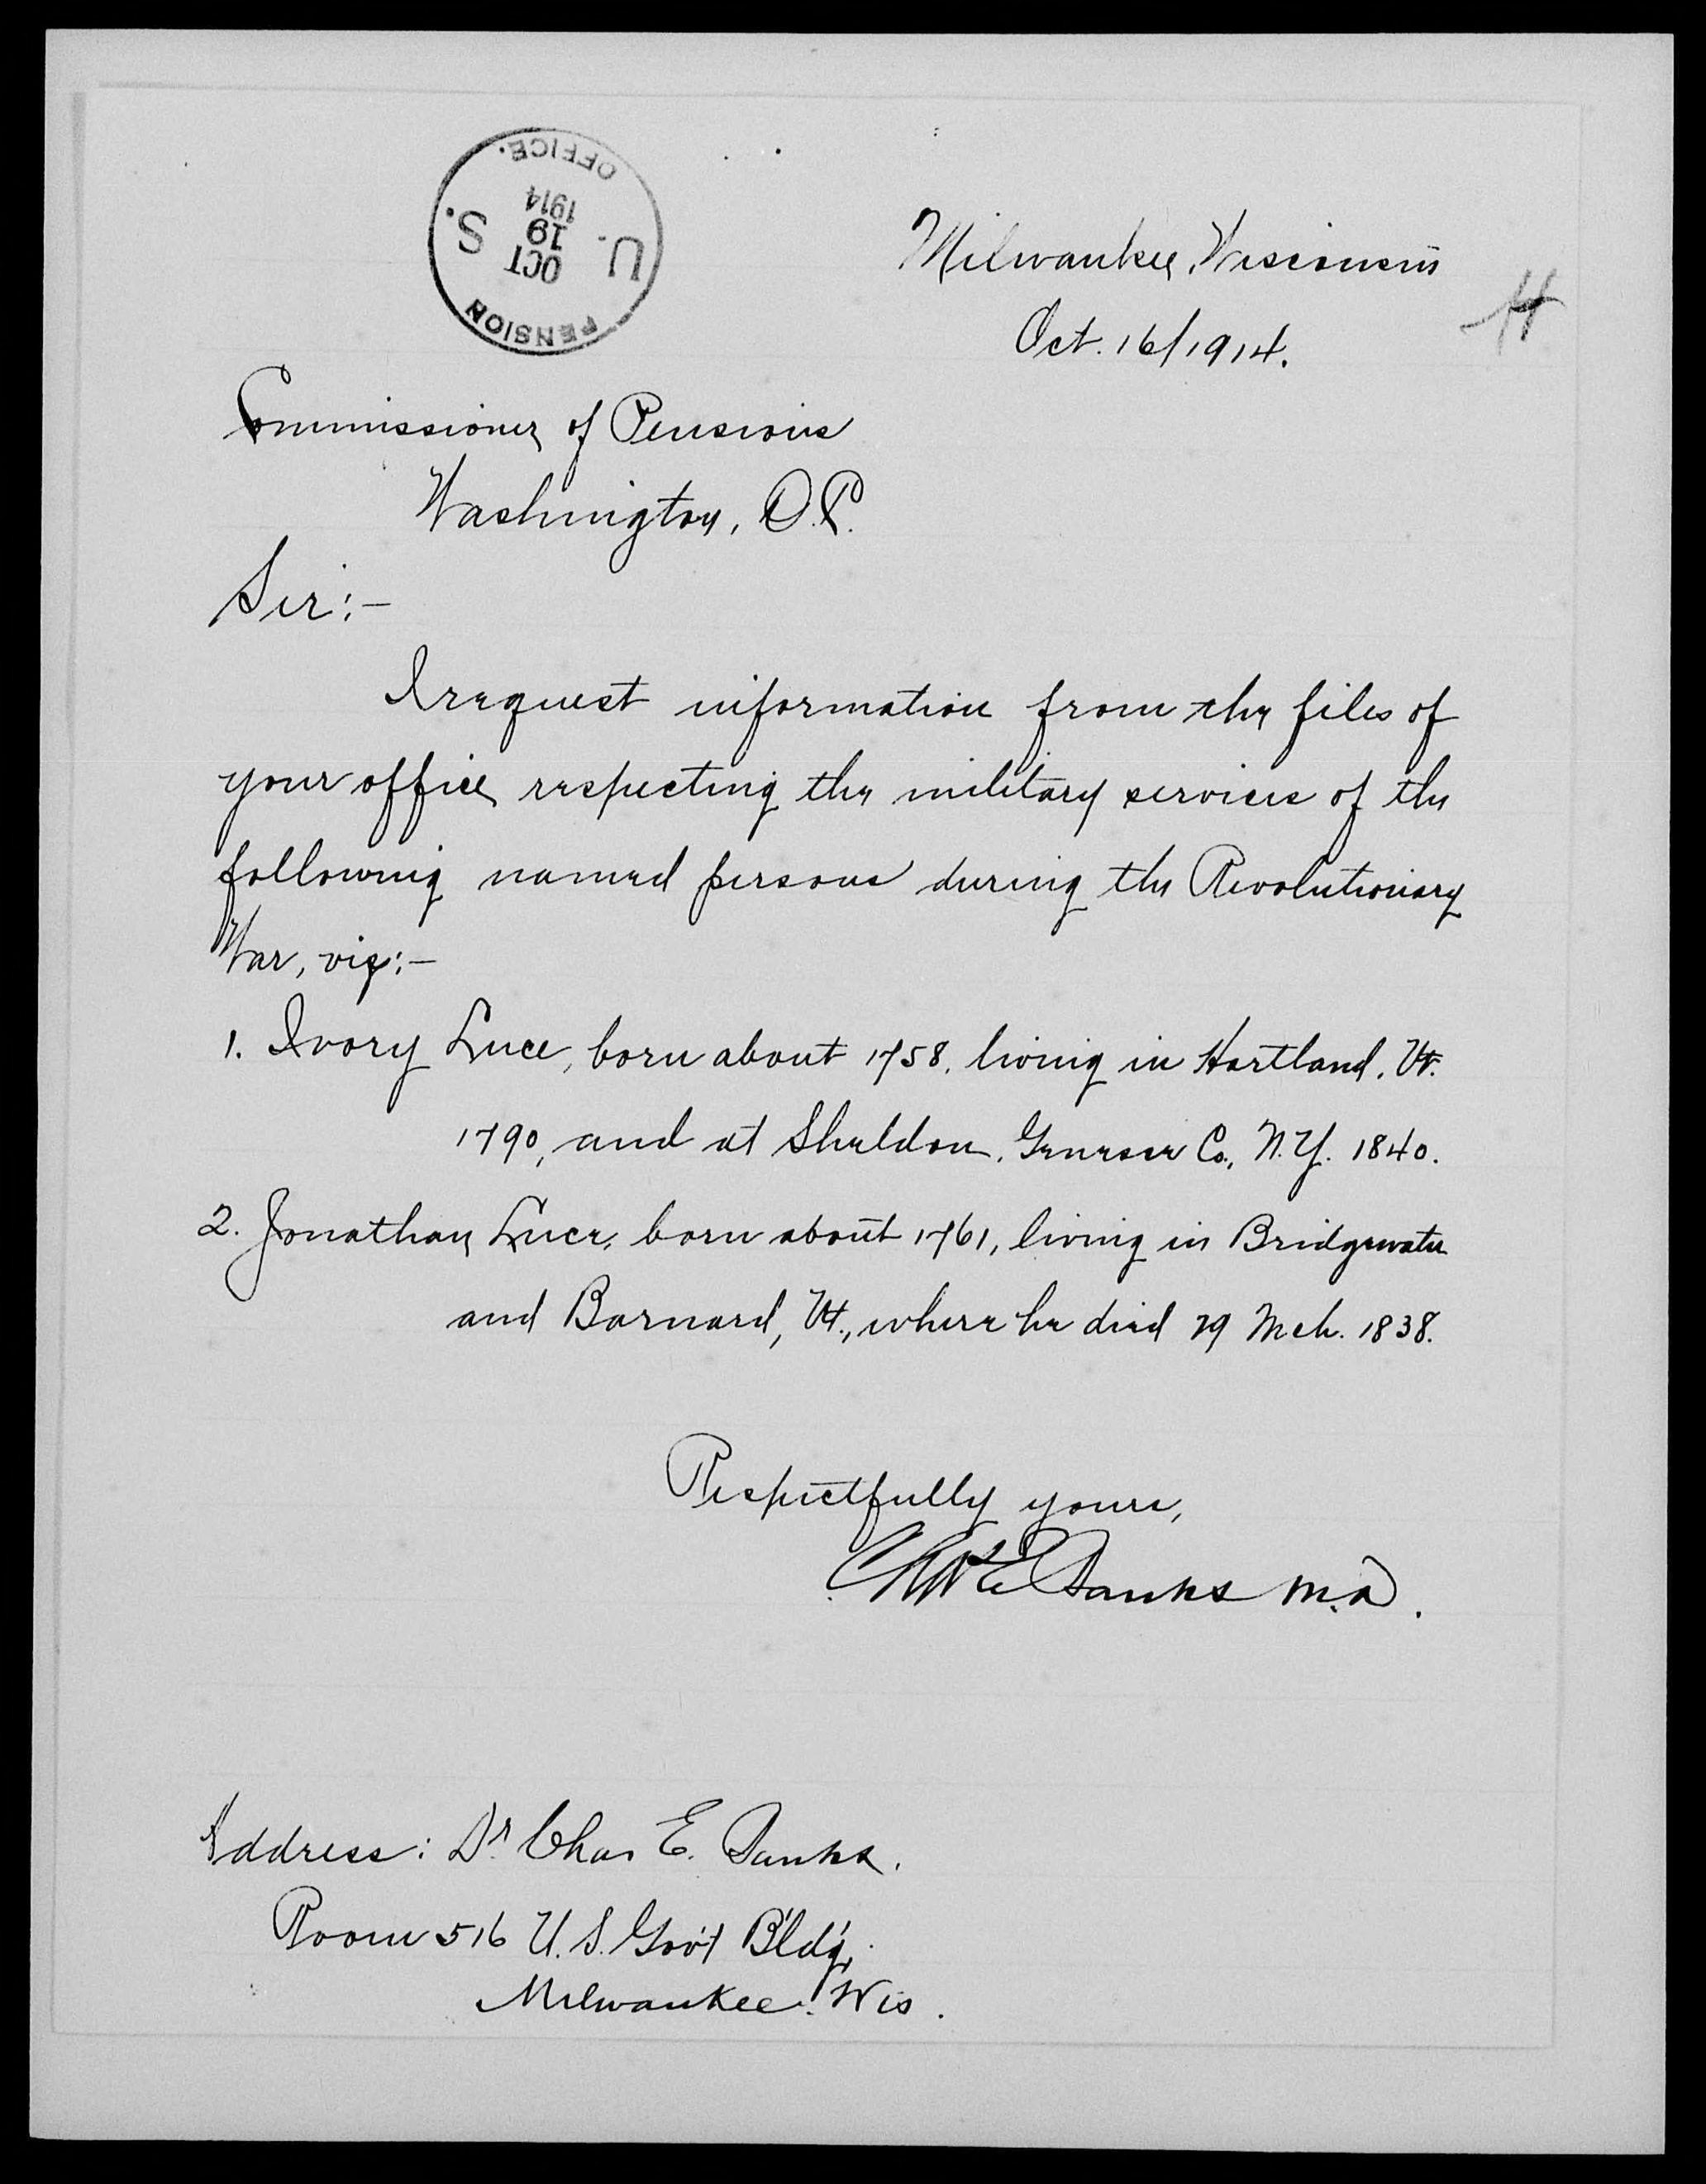[stamped]
U. S. PENSION OFFICE. OCT 19 1914

Milwaukee, Wisconsin
Oct. 16/1914.

Commissioner of Pensions
Washington, D.C.

Sir:

I request information from the files of your office respecting the military services of the following named persons during the Revolutionary War, viz: -

1.  Ivory Luce, born about 1758, living in Hartland, Vt.  1790, and at Sheldon, Genesee Co., N. Y.  1840.

2.  Jonathan Luce, born about 1761, living in Bridgewater and Barnard, Vt., where he died 29 Mch. 1838

Respectfully yours,
[signed]
Chas. E. Banks M.D.

Address:  Dr. Chas E. Banks
Room 516 U.S. Gov't Bldg.
Milwaukee, Wis.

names: Chas E Banks; Jonathan Luce; Ivory Luce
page: 70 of 70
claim: rejected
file: R. 6510, for Israel Luce, New York